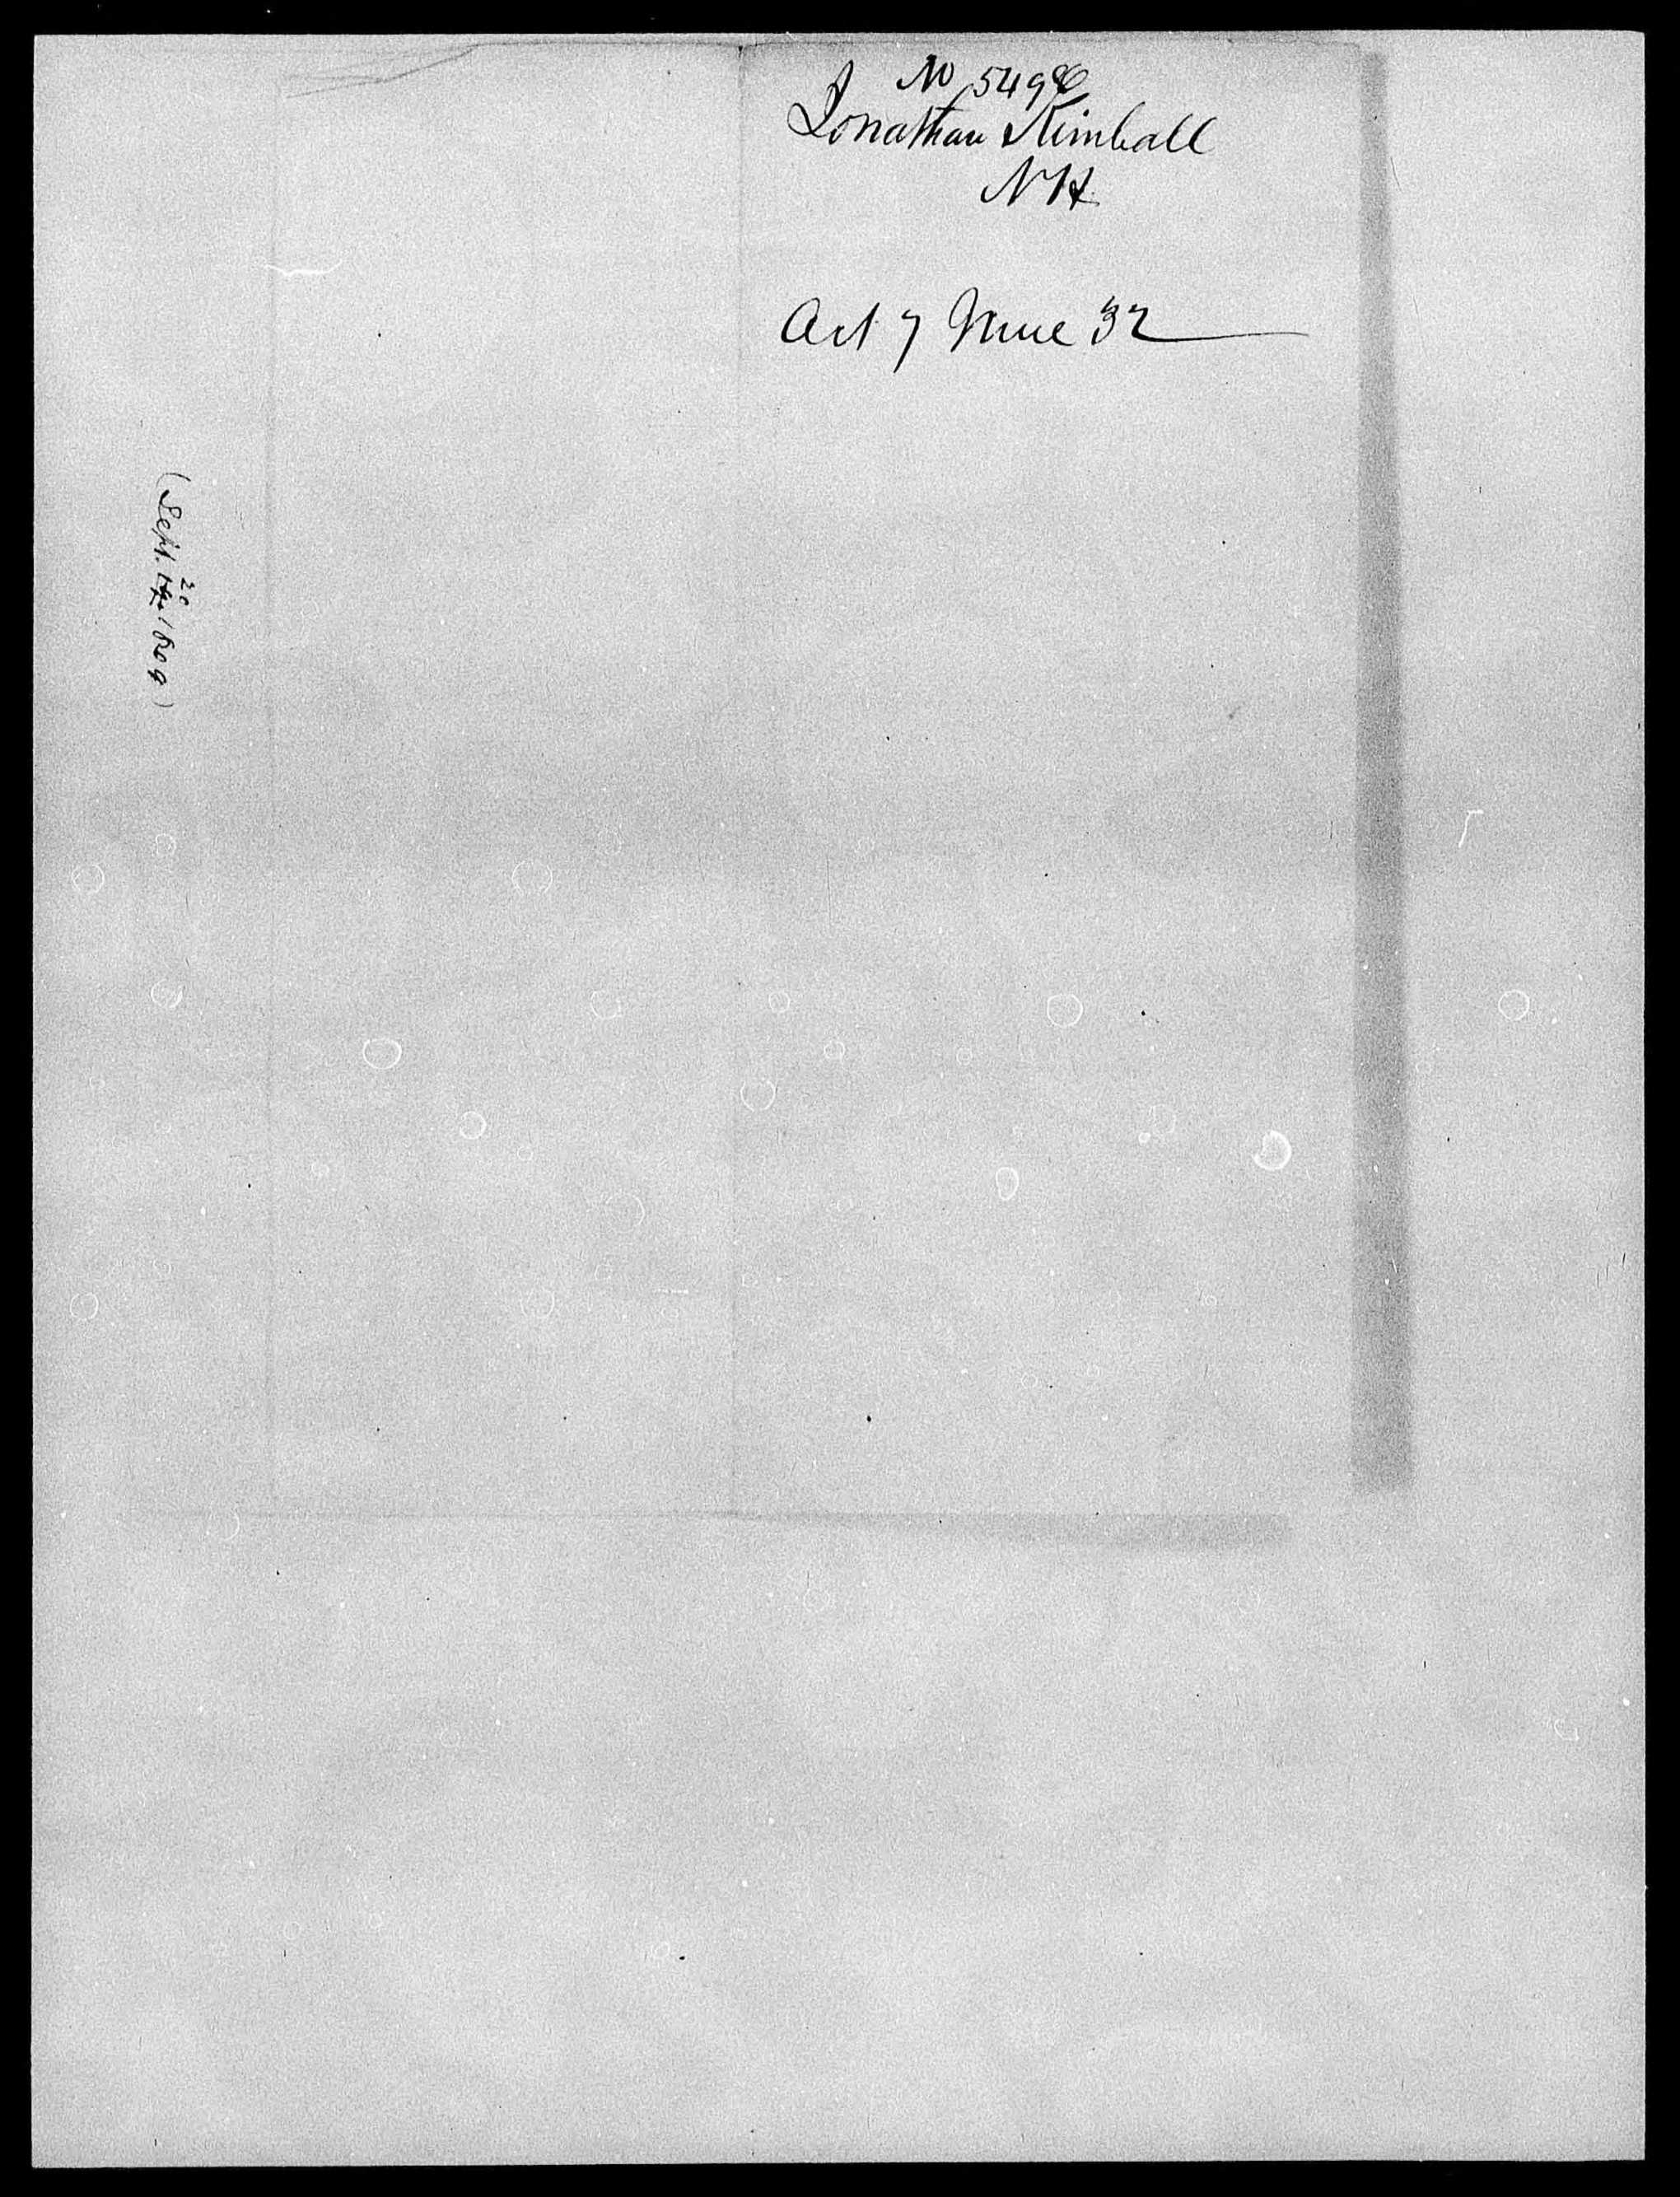No 5496
Jonathan Kimball
N H.
Act 7 June [18]32

[sideways] (Sept 20 1809)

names: Jonathan Kimball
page: 2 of 14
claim: rejected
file: R 5922, for Jonathan Kimball, New Hampshire